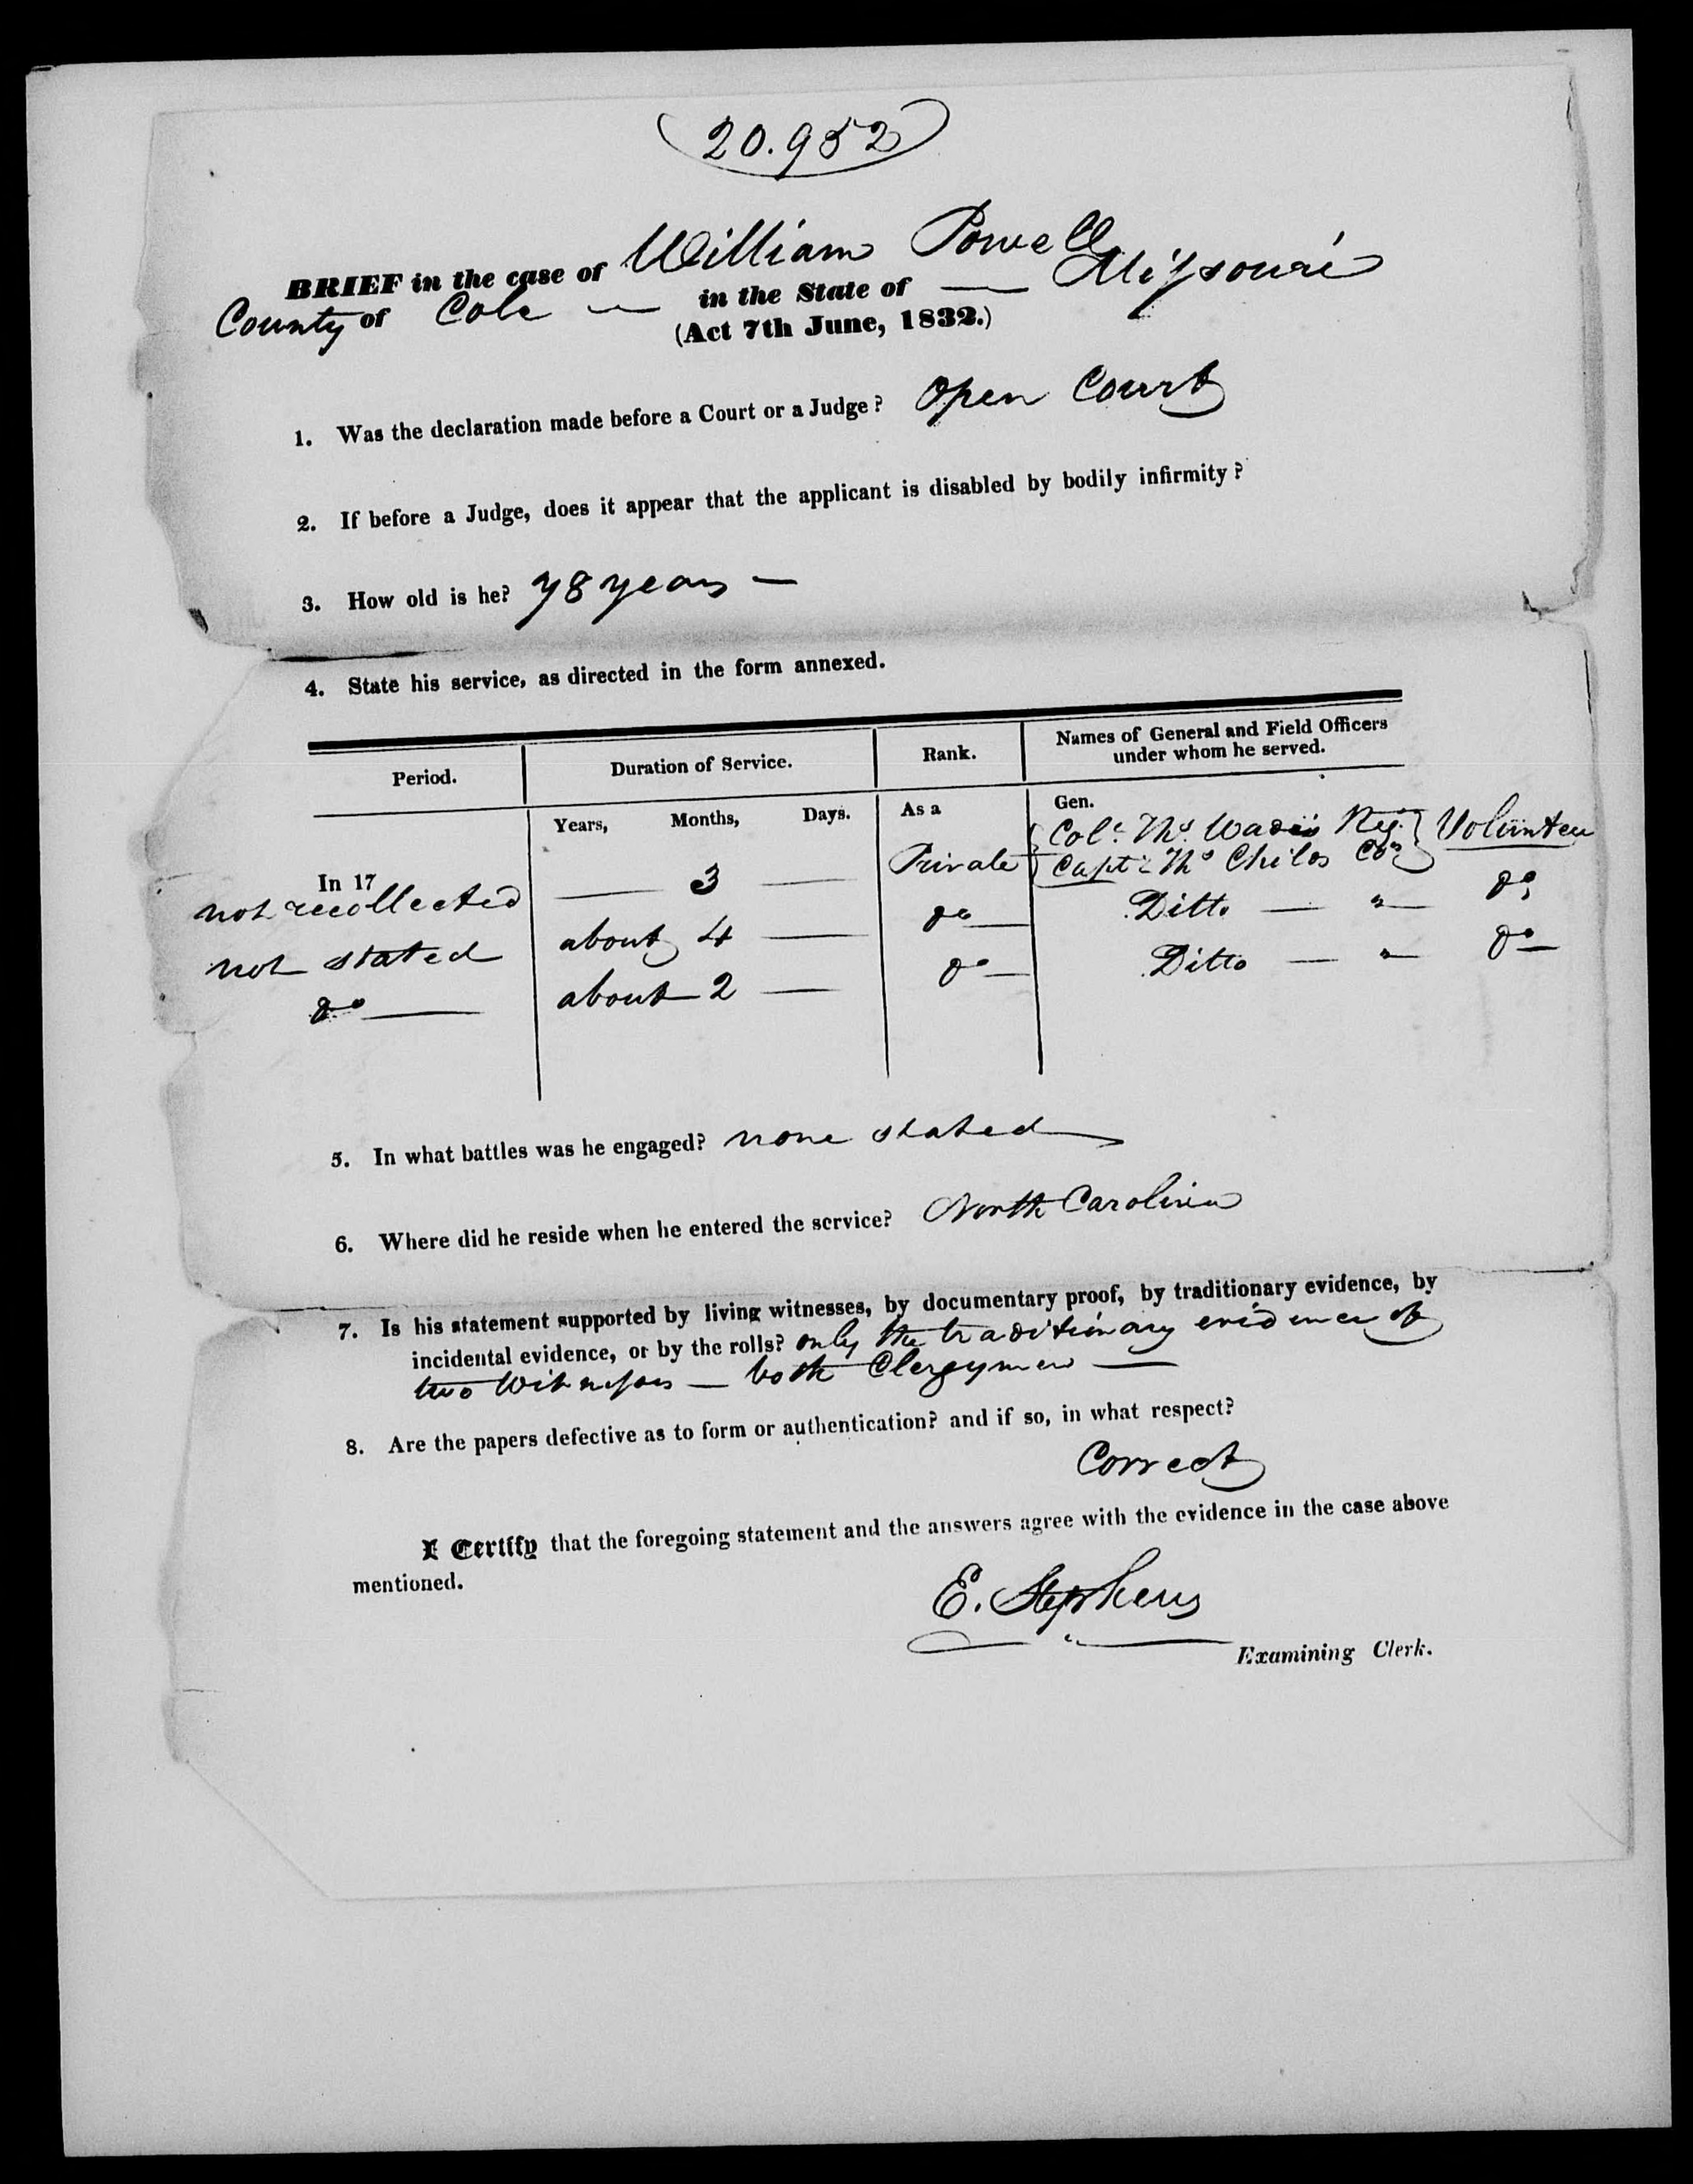20.952

BRIEF in the case of William Powell
County of Cole in the State of Missouri
(Act 7th June, 1832)

1. Was the declaration made before a Court or Judge? Open Court.
2. If before a judge, does it appear that the applicant is disabled by bodily infirmity?
3. How old is he? 78 years.
4. State his service, as directed in the form annexed.

Period               Duration of Service    Rank 
not recollected   Months 3                Private
not recollected   about 4                     "
"                          about 5                     "

Names of General and Field Officers under whom he served
Col. Ths Wade
Capt Ths Wade       Volunteer
Ditto                        "
Ditto                        :

5. In what battles was he engaged? none stated
6. Where did he reside when he entered the service? North Carolina
7. Is his statement supported by living witnesses, by documentary proof, by traditionary evidence, by incidental evidence, or by the rolls? Only the testimony evidence of two witnesses - both Clergymen.
8. Are the papers defective as to form or authentication? and if so, in what respect? Correct

I certify that the foregoing statement and answers agree with the evidence in the case above mentioned.

E Stephens (signed)
Examining Clerk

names: Ths Childs; E Stephens; Ths Wade; William Powell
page: 8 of 19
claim: survivor's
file: S. 17022, for William Powell, North Carolina